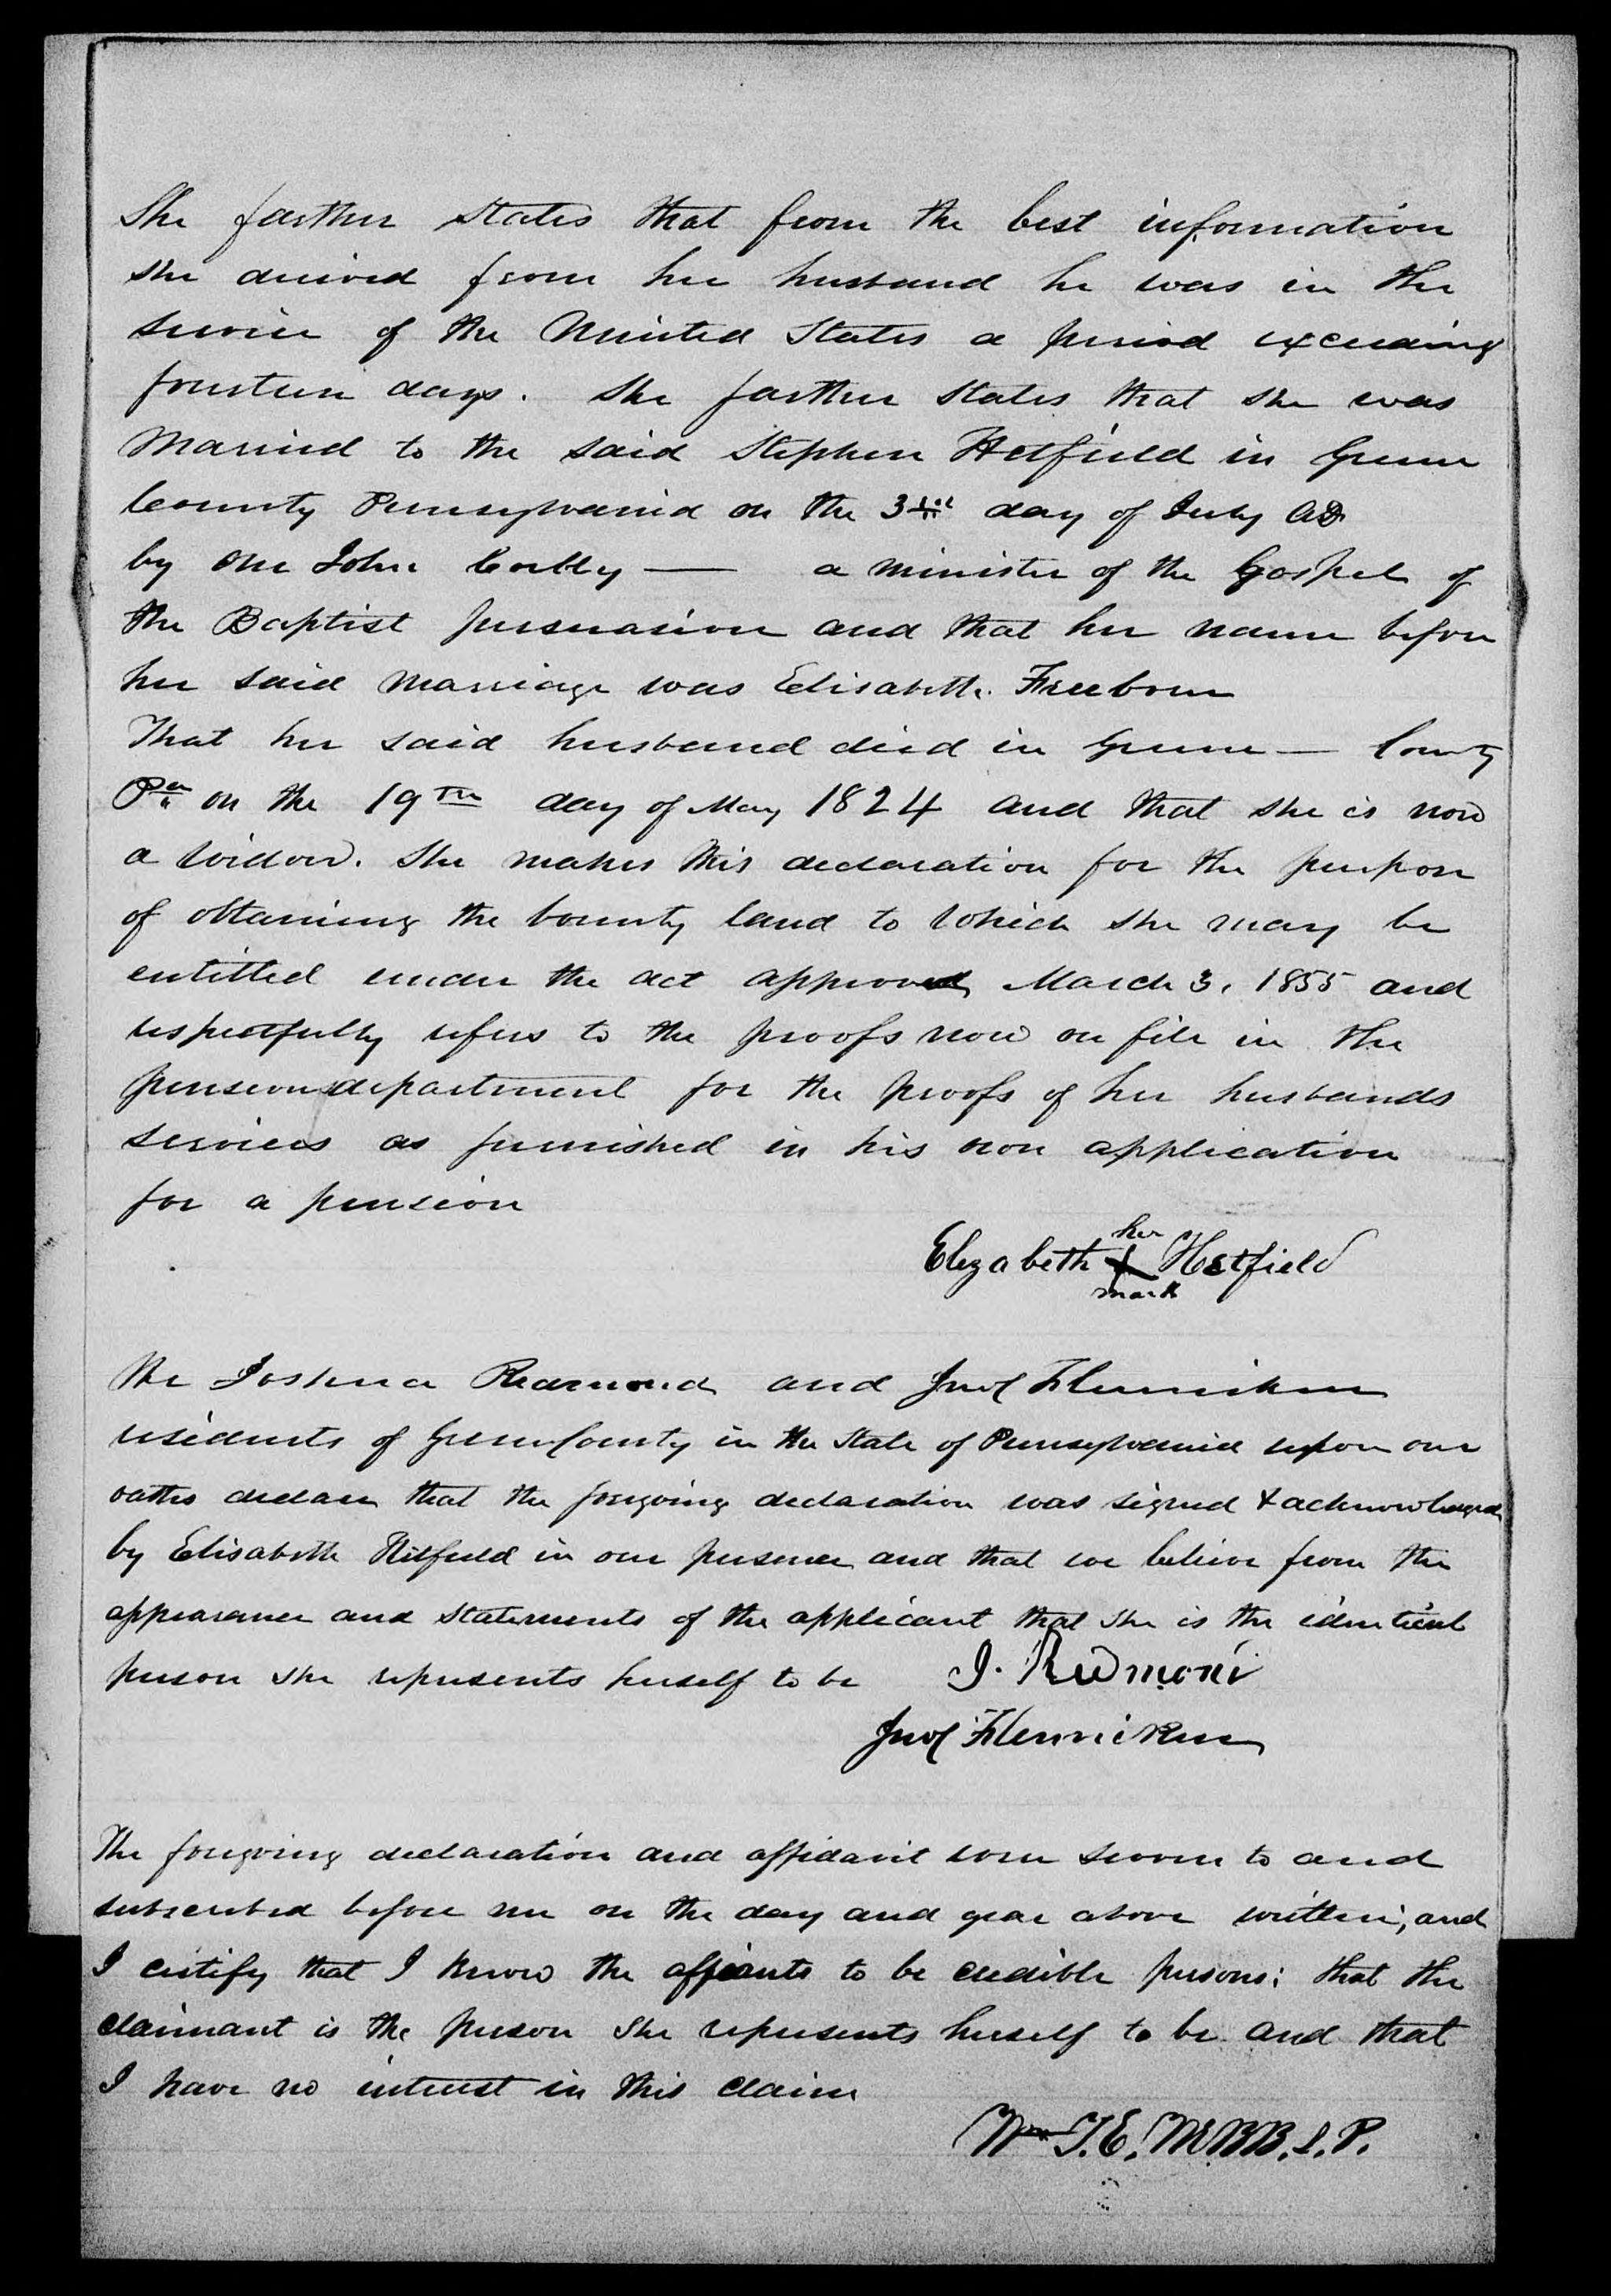She farther states that from the best information
she derived from her husband he was in the
service of the United States a period exceeding
fourteen days. She farther states that she was
married to the said Stephen Hetfield in Greene
County Pennsylvania on the 3[illegible, possibly "rd"] day of July AD
by one John Corbly ----  a minister of the Gospel of
the Baptist persuasion and that her name before
her said marriage was Elisabeth Freeborn
That her said husband died in Greene County
Pa. on the 19th day of May 1824 and that she is now
a widow. She makes this declaration for the purpose
of obtaining the bounty land to which she may be
entitled under the act approved March 3, 1855 and
respectfully refers to the proofs now on file in the
pension department for the proofs of her husbands
services as furnished in his own application
for a pension

Elizabeth Hetfield
X 
her mark

Mr. Joshua Redmond and Jno C Flenniken
residents of GreeneCounty in the state of Pennsylvania before our
oaths declare that the foregoing declaration was signed & acknowledged
by Elisabeth Hitfield in our presence and that we believe from the
appearance and statements of the applicant that she is the identical
person she represents herself to be

J Redmond
JnoC Flenniken

The foregoing declaration and affidavit was sworn to and
subscribed before me on the day and year above written; and 
I certify that I know the affiants to be credible persons;  that the
claimant is the person she represents herself to be and that
I have no interest in this claim

Wm. T. E. Webb J.P.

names: Elisabeth Freeborn, Jno C Flenniken, Jno C Flenniken, Wm T E Webb, John Coebly, Stephen Hetfield, Elizabeth Hetfield, Joshua Redmond, J Redmond, Elisabeth Hitfield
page: 20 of 45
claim: widow's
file: W. 2734, Stephen Hetfield, New Jersey